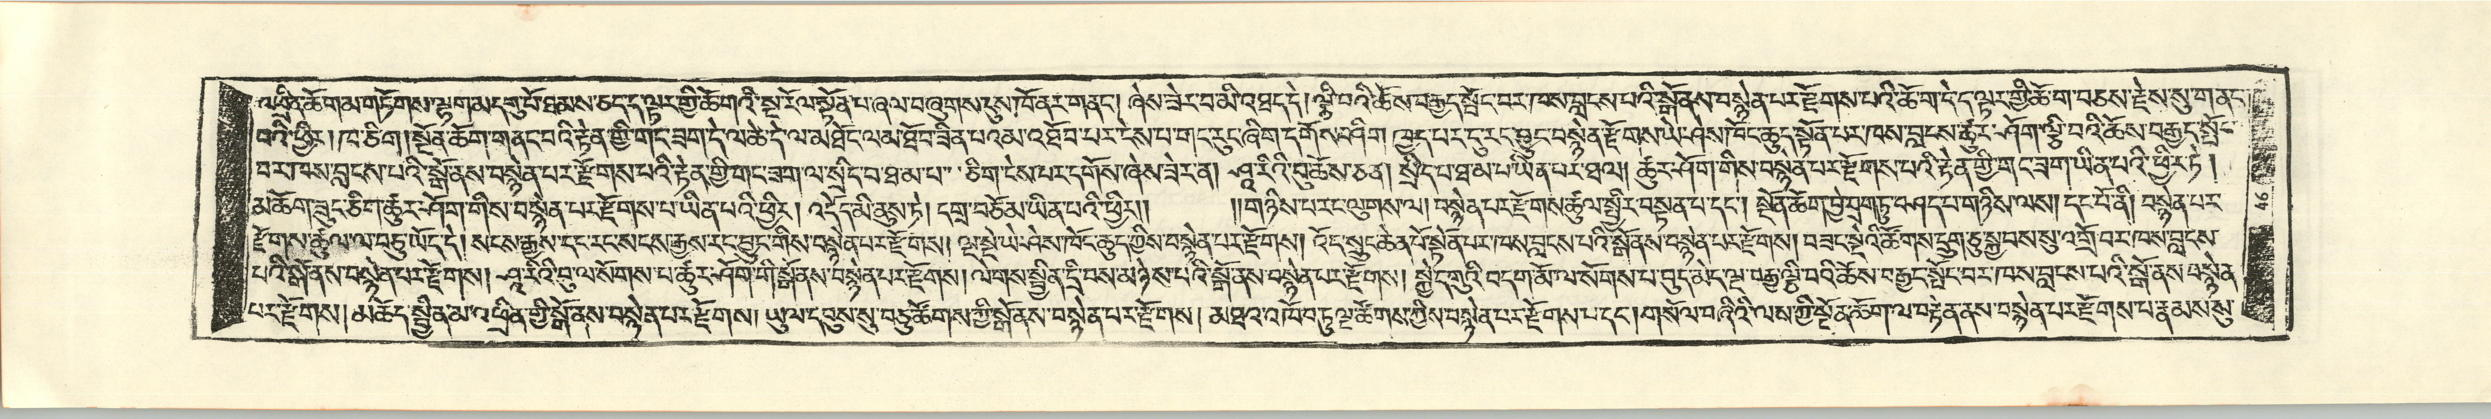འཕྲིན་ཆོག་མ་གཏོགས་ལྷག་མ་དགུ་པོ་ཐམས་ཅད་ད་ལྟར་གྱི་ཆོ་གའི་སྔ་རོལ་སྟོན་པ་ཞལ་བཞུགས་དུས་ཁོ་ནར་གནང་། ཞེས་ཟེར་བ་མི་འཐད་དེ། ལྕི་བའི་ཆོས་བརྒྱད་སྤོང་བར་ཁས་བླངས་པའི་སྒོ་ནས་བསྙེན་པར་རྫོགས་པའི་ཆོ་ག་དེ་ད་ལྟར་གྱི་ཆོ་ག་བཅས་རྗེས་སུ་གནང་
བའི་ཕྱིར། ཁ་ཅིག །སྔོན་ཆོག་གནང་བའི་རྟེན་གྱི་གང་ཟག་དེ་ལ་ཆེ་དེ་ལ་མཐོང་ལམ་ཐོབ་ཟིན་པའམ་འཐོབ་པར་ངེས་པ་གང་རུང་ཞིག་དགོས་ཤིག་ཁྱད་པར་དུ་རང་བྱུང་བསྙེན་རྫོགས་ཡེ་ཤེས་ཁོང་ཆུད་སྟོན་པར་ཁས་བླངས་ཚུར་ཤོག་ལྕི་བའི་ཆོས་བརྒྱད་སྤོང་
བར་ཁས་བླངས་པའི་སྒོ་ནས་བསྙེན་པར་རྫོགས་པའི་རྟེན་གྱི་གང་ཟག་ལ་སྲིད་བ་ཐ་མ་པ་ཅིག་ངེས་པར་དགོས་ཞེས་ཟེར་ན། ཤཱ་རིའི་བུ་ཆོས་ཅན། སྲིད་པ་ཐ་མ་པ་ཡིན་པར་ཐལ། ཚུར་ཤོག་གིས་བསྙེན་པར་རྫོགས་པའི་རྟེན་གྱི་གང་ཟག་ཡིན་པའི་ཕྱིར་ཏེ།
མཆོག་ཟུང་ཅིག་ཚུར་ཤོག་གིས་བསྙེན་པར་རྫོགས་པ་ཡིན་པའི་ཕྱིར། འདོད་མི་ནུས་ཏེ། དགྲ་བཅོམ་ཡིན་པའི་ཕྱིར།། །།གཉིས་པར་རང་ལུགས་ལ། བསྙེན་པར་རྫོགས་ཚུལ་སྤྱིར་བསྟན་པ་དང་། སྔོན་ཆོག་བྱེ་བྲག་ཏུ་བཤད་པ་གཉིས་ལས། དང་པོ་ནི། བསྙེན་པར་
རྫོགས་ཚུལ་ལ་བཅུ་ཡོད་དེ། སངས་རྒྱས་དང་རང་སངས་རྒྱས་རང་བྱུང་གིས་བསྙེན་པར་རྫོགས། ལྔ་སྡེ་ཡེ་ཤེས་ཁོང་ཆུད་ཀྱིས་བསྙེན་པར་རྫོགས། འོད་སྲུང་ཆེན་པོ་སྟོན་པར་ཁས་བླངས་པའི་སྒོ་ནས་བསྙེན་པར་རྫོགས། བཟང་སྡེའི་ཚོགས་དྲུག་ཅུ་སྐྱབས་སུ་འགྲོ་བར་ཁས་བླངས་
པའི་སྒོ་ནས་བསྙེན་པར་རྫོགས། ཤཱ་རིའི་བུ་ལ་སོགས་པ་ཚུར་ཤོག་གིས་གོ་ནས་བསྙེན་པར་རྫོགས། ལེགས་སྦྱིན་དྲི་བས་མཉེས་པའི་སྒོ་ནས་བསྙེན་པར་རྫོགས། སྐྱེ་དགུའི་བདག་མོ་ལ་སོགས་པ་བུད་མེད་ལྔ་བརྒྱ་ལྕི་བའི་ཆོས་བརྒྱད་སྤོང་བར་ཁས་བླངས་པའི་སྒོ་ནས་བསྙེན་
པར་རྫོགས། མཆོད་སྦྱིན་མ་འཕྲིན་གྱི་སྒོ་ནས་བསྙེན་པར་རྫོགས། ཡུལ་དབུས་སུ་བཅུ་ཚོགས་ཀྱི་སྒོ་ནས་བསྙེན་པར་རྫོགས། མཐའ་འཁོབ་ཏུ་ལྔ་ཚོགས་ཀྱིས་བསྙེན་པར་རྫོགས་པ་དང་། གསོལ་བཞིའི་ལས་ཀྱི་སྔོན་ཆོག་ལ་བརྟེན་ནས་བསྙེན་པར་རྫོགས་པ་རྣམས་སུ་